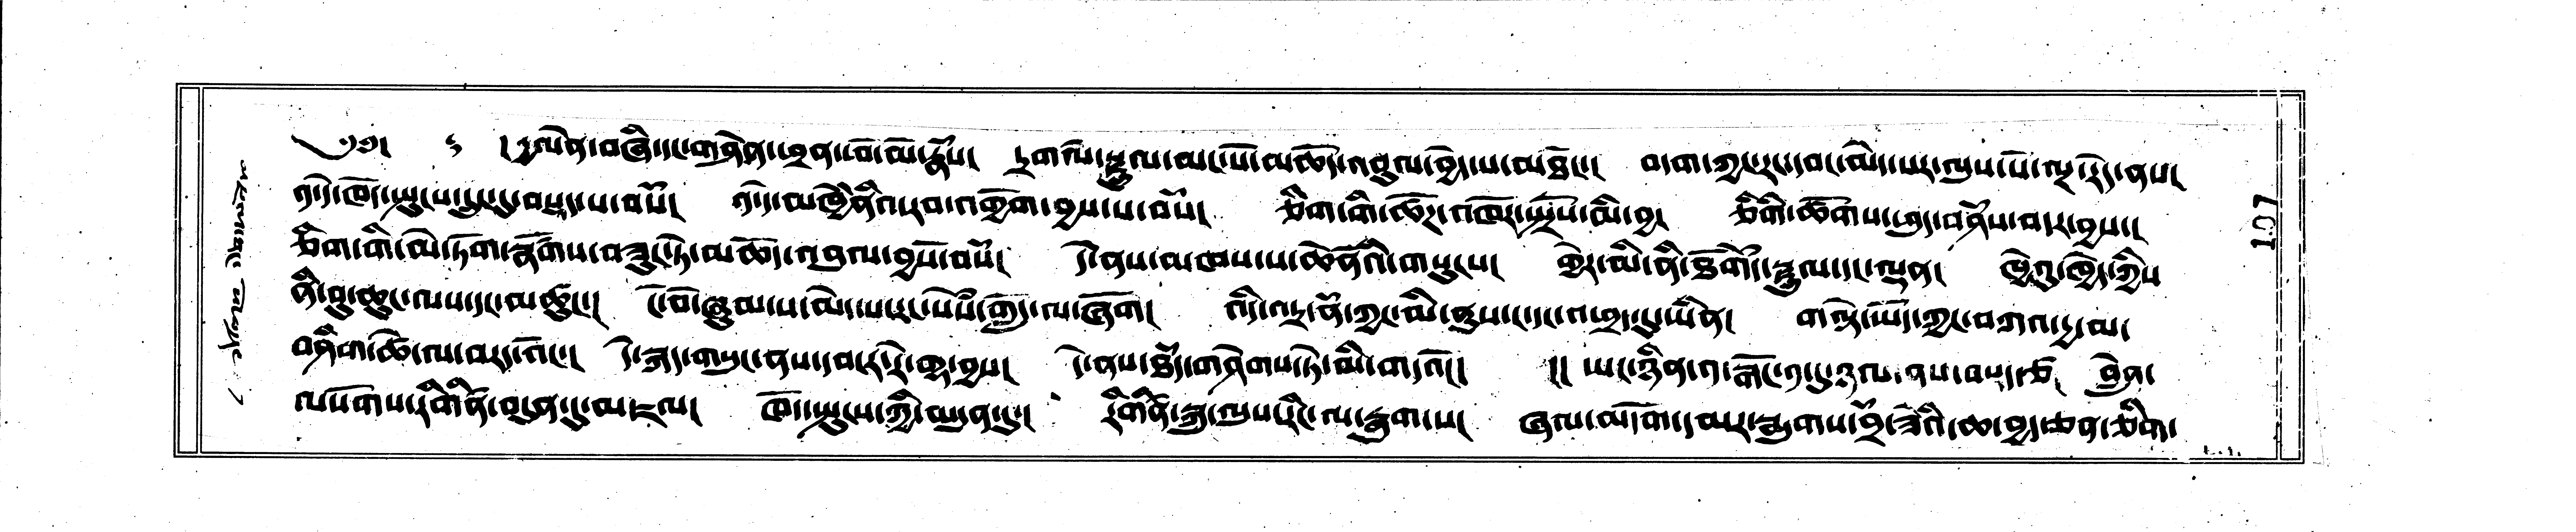རྒྱལ་ཆེན་བཞི་དང་གཤེན་ཕྲན་ཕོ་མོ་རྣམས། དྲག་རྩལ་རྫུ་འཕྲུལ་མང་པོ་མཆོད་འབུལ་བྱེད་པ་མཐོང་། བདག་ཀྱང་རང་དབང་མེད་པར་ལུས་པོ་ལྔ་རེད་ནས། 
གཅིག་དེ་ཁོད་སྤུངས་དྲུང་དུ་བསྡད་པ་བསམ། གཅིག་དེ་མཁྱེན་བརྩེའི་རབ་འགྱོགས་བྱས་པ་བསམ། གཅིག་གི་ཚོགས་འཁོར་སྤྲོས་མི་བྱ། གཅིག་གིས་ཚོགས་ཕུད་བཤམས་བདར་བྱས། 
གཅིག་གིས་མེ་ཏོག་སྣ་ཚོགས་བཟུང་ཏེ་མཆོད་འབུལ་བྱས་སོ་བསམ། དེ་ནས་མཁས་པ་ཆེན་པོའི་གསུངས། གྱེར་མི་ནི་ཐོགས་མེད་རྫུ་འཕྲུལ་དང་ལྡན། ཁྱེའུ་ཁྱེད་ཀྱིས་
ནི་བུ་ཆུང་ལས་དང་མཚུངས། ངོ་བོ་ཞུམ་པ་མེད་པ་རང་སེམས་གློད་ལ་ཞོག འདི་འདྲ་ནམ་ཀྱང་མི་ནུས་ང་དང་འཕྲད་དུ་ཡིན། གལ་ཏེ་ཡོད་ཀྱང་བཀའ་རྒྱ་མ་
བཤིགས་ཚེ་ལ་བར་ཆད་འོང་། དེ་སྐད་གསུང་ནས་དབང་བསྐུར་རེ་གྷ་བྱས། དེ་ནས་ཐམས་ཅད་གཤེགས་ཏེ་མི་གདའོ། །ཡང་ཉིན་གཅིག་སྒོང་གཅིག་ཉལ་ནས་བསྡད་ཙ། བླ་ཆེན་
ལ་སོགས་རིག་འཛིན་བདུན་དུ་མཇལ། ཁོད་སྤུངས་ཀྱི་མདུན་དུ། རིག་འཛིན་སྐུ་ལུས་རིང་ལ་རྒུག་པ། ཞལ་མདོག་དམར་སྨུག་བྲམ་ཟེའི་ཆ་བྱད་ཅན་ཅིག་